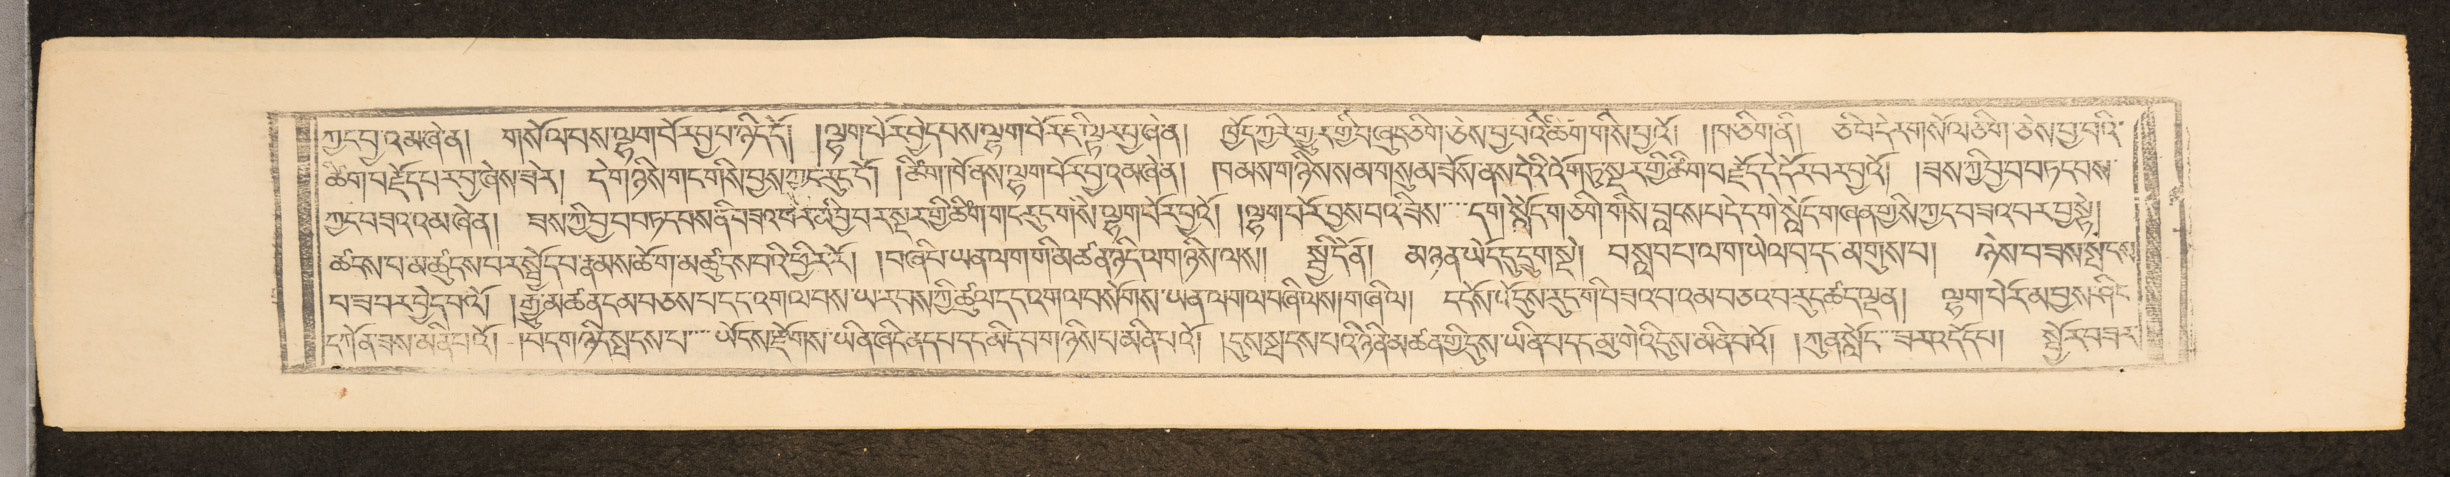ཀྱང་བྱ་འམ་ཞེ་ན། གསོལ་བས་ལྷག་པོར་བྱ་བ་ཉིད་དོ། །ལྷག་པོར་བྱེད་པས་ལྷག་པོར་ཇི་ལྟར་བྱ་ཞེ་ན། ཁྱོད་ཀྱི་གྱུར་གྱི་བཞུད་ཅིག་ཅེས་བྱ་བའི་ཚིག་གིས་བྱའོ། །ཁ་ཅིག་ནི། ཅི་བདེར་གསོལ་ཅིག་ཅེས་བྱ་བའི་
ཚིག་བརྗོད་པར་བྱ་ཞེས་ཟེར། དེ་གཉིས་གང་གིས་བྱས་ཀྱང་རུང་ངོ། །ཚིག་ཁོ་ནས་ལྷག་པོར་བྱ་འམ་ཞེ་ན། ཁམས་གཉིས་སམ་གསུམ་ཟོས་ནས་དེའི་འོག་ཏུ་སྔར་གྱི་ཚིག་བརྗོད་དེ་དོར་བར་བྱའོ། །ཟས་ཀྱི་བྱ་བ་བཏང་བས་
ཀྱང་བཟའ་འམ་ཞེ་ན། ཟས་ཀྱི་བྱ་བ་བཏང་བས་ནི་བཟའ་བར་མི་བྱ་བར་སྔར་གྱི་ཚིག་གང་རུང་གིས་ལྷག་པོར་བྱའོ། །ལྷག་པོར་བྱས་པའི་ཟས་དགེ་སློང་གཅིག་གིས་བླངས་པ་དེ་དགེ་སློང་གཞན་གྱིས་ཀྱང་བཟའ་བར་བྱ་སྟེ།
ཚངས་པ་མཚུངས་པར་སྤྱོད་པ་རྣམས་ཆོ་ག་མཚུངས་པའི་ཕྱིར་རོ། །བཞི་པ་ཡན་ལག་གི་མཚན་ཉིད་ལ་གཉིས་ལས། སྤྱི་དོན། མཉན་ཡོད་དུ་དྲུག་སྡེ། བསླབ་པ་ལ་གཡེལ་བ་ངང་མ་གུས་པ། ཉེས་པ་ཟས་སྤངས་
པ་ཟ་བར་བྱེད་པའོ། །རྒྱུ་མཚན་དམ་བཅས་པ་དང་འགལ་བས་ཡ་རབས་ཀྱི་ཚུལ་དང་འགལ་བ་སོགས་ཡན་ལག་ལ་བཞི་ལས། གཞི་ལ། དངོས་པོ་དུས་རུང་གི་བཟའ་བ་འམ་བཅའ་བ་རུང་ཚད་ལྡན། ལྷག་པོར་མ་བྱས་ཤིང་
དཀོན་ཟས་མིན་པའོ། །བདག་ཉིད་སྤངས་པ་ཡོངས་རྫོགས་ཡིན་ཞིང་ནད་པ་དང་མིད་པ་གཉིས་པ་མིན་པའོ། །དུས་སྤངས་པའི་ཉིན་མཚན་གྱི་དུས་ཡིན་པ་དང་མུ་གེའི་དུས་མིན་པའོ། །ཀུན་སློང་ཟར་འདོད་པ། སྦྱོར་བ་ཟར་